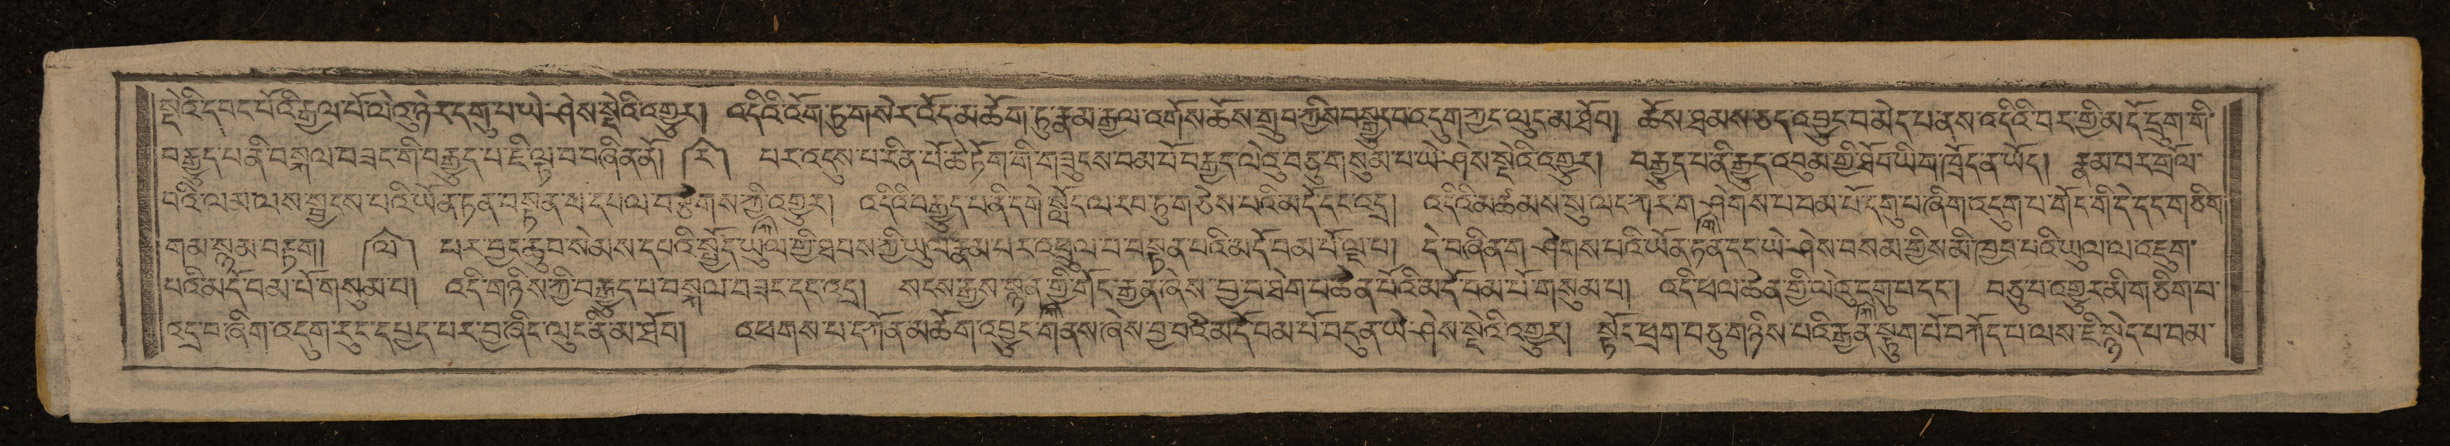སྡེའི་དབང་པོའི་རྒྱལ་པོ་ལེའུ་ཉེར་དགུ་པ་ཡེ་ཤེས་སྡེའི་འགྱུར། འདིའི་འོག་ཏུ་གསེར་འོད་མཆོག་ཏུ་རྣམ་རྒྱལ་འགོས་ཆོས་གྲུབ་ཀྱིས་བསྒྱུར་བ་འདུག་ཀྱང་ལུང་མ་ཐོབ། ཆོས་ཐམས་ཅད་འབྱུང་བ་མེད་པ་ནས་འདིའི་བར་གྱི་མདོ་དྲུག་གི་
བརྒྱུད་པ་ནི་བསྐལ་བཟང་གི་བརྒྱུད་པ་ཇི་ལྟ་བ་བཞིན་ནོ། {ར}་པར་འདུས་པ་རིན་པོ་ཆེ་ཏོག་གི་གཟུགས་བམ་པོ་བརྒྱད་ལེའུ་བཅུ་གསུམ་པ་ཡེ་ཤེས་སྡེའི་འགྱུར། བརྒྱུད་པ་ནི་རྒྱུད་འབུམ་གྱི་ཐོབ་ཡིག་ཁྲོད་ན་ཡོད། རྣམ་པར་གྲོལ་
བའི་ལམ་ལས་སྦྱངས་པའི་ཡོན་ཏན་བསྟན་པ་དཔལ་བརྩེགས་ཀྱི་འགྱུར། འདིའི་བརྒྱུད་པ་ནི་དགེ་སློང་ལ་རབ་ཏུ་གཅེས་པའི་མདོ་དང་འདྲ། འདིའི་མཚམས་སུ་ལང་ཀར་གཤེགས་པ་བམ་པོ་དགུ་པ་ཞིག་འདུག་པ་གོང་གི་དེ་དང་གཅིག་
གམ་སྙམ་བརྟག། {ལ}་པར་བྱང་ཆུབ་སེམས་དཔའི་སྤྱོད་ཡུལ་གྱི་ཐབས་ཀྱི་ཡུལ་རྣམ་པར་འཕྲུལ་པ་བསྟན་པའི་མདོ་བམ་པོ་ལྔ་པ། དེ་བཞིན་གཤེགས་པའི་ཡོན་ཏན་དང་ཡེ་ཤེས་བསམ་གྱིས་མི་ཁྱབ་པའི་ཡུལ་ལ་འཇུག་
པའི་མདོ་བམ་པོ་གསུམ་པ། འདི་གཉིས་ཀྱི་བརྒྱུད་པ་བསྐལ་བཟང་དང་འདྲ། སངས་རྒྱས་སྙེད་ཀྱི་གོང་རྒྱན་ཞེས་བྱ་བ་ཐེག་པ་ཆེན་པོའི་མདོ་བམ་པོ་གསུམ་པ། འདི་ཕལ་ཆེན་གྱི་ལེའུ་དགུ་པ་དང་། བཅུ་པ་འགྱུར་མི་གཅིག་པ་
འདྲ་བ་ཞིག་འདུག་རུང་དབྱད་པར་བྱ་ཞིང་ལུང་ནི་མ་ཐོབ། འཐགས་པ་དཀོན་མཆོག་འབྱུང་གནས་ཞེས་བྱ་བའི་མདོ་བམ་པོ་བདུན་ཡེ་ཤེས་སྡེའི་འགྱུར། སྟོང་ཕྲག་བཅུ་གཉིས་པའི་རྒྱན་སྟུག་པོ་བཀོད་པ་ལས་ཇི་སྙིད་པ་བམ་